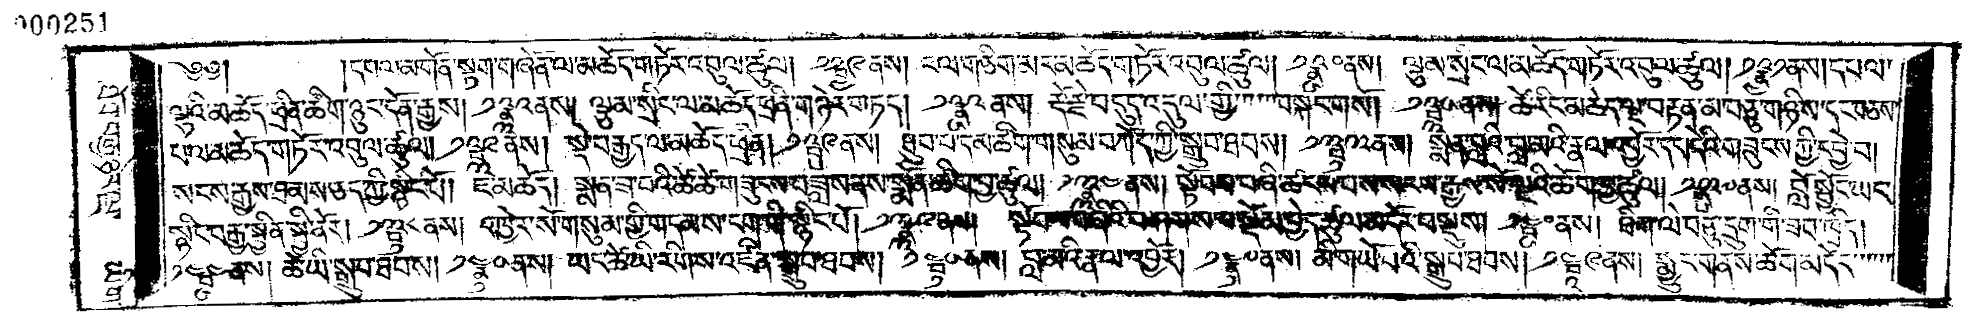༄༅། །དཔལ་མགོན་སྟག་གཞོན་ལ་མཆོད་གཏོར་འབུལ་ཚུལ། ༡༡༩བ༤་ནས། རལ་གཅིག་མར་མཆོད་གཏོར་འབུལ་ཚུལ། ༡༢༠ན༦་ནས། ལྕམ་སྲིང་ལ་མཆོད་གཏོར་འབུལ་ཚུལ། ༡༢༡ན༤་ནས། དཔལ་
ལྷའི་མཆོད་ཕྲིན་ཚིག་ཉུང་དོན་རྒྱས། ༡༢༢ན༣་ནས། ལྕམ་སྲིང་ལ་མཆོད་ཕྲིན་གཉེར་གཏད། ༡༢༢ན༦་ནས། རྡོ་རྗེ་བདུད་འདུལ་གྱི་བསྐང་གསོ། ༡༢༦བ༣་ནས། ཚེ་རིང་མཆེད་ལྔ་བརྟན་མ་བཅུ་གཉིས་དང་བཅས་
པ་ལ་མཆོད་གཏོར་འབུལ་ཚུལ། ༡༢༩བ༣་ནས། སྡེ་བརྒྱད་ལ་མཆོད་ཕྲིན། ༡༢༩བ༥་ནས། ཐུབ་པ་དམ་ཚིག་གསུམ་བཀོད་ཀྱི་སྒྲུབ་ཐབས། ༡༣༣བ༡་ནས། སྨན་བླའི་བླ་མའི་རྣལ་འབྱོར་དང་།དེའི་གཟུངས་ཀྱི་དབྱེ་བ།
སངས་རྒྱས་ཐམས་ཅད་ཀྱི་སྙིང་པོ། ཇ་མཆོད། སྨན་ཟ་བའི་ཚེ་ཚེ་གཟུངས་བཟླས་ནས་སྨོན་ཚིག་བྱ་ཚུལ། ༡༣༤ན༣་ནས། སྟོབས་བཞི་ཚངས་བས་སངས་རྒྱས་སོ་ལྔའི་ཆོ་ག་བྱ་ཚུལ། ༡༣༦ན༥་ནས། བློ་སྦྱོང་ཡང་
སྙིང་བརྒྱ་སྦྱིན་སྤྱི་ནོར། ༡༣༨བ༡་ནས། འཁྱེར་སོ་གསུམ་གྱི་གདམས་ངག་གི་སྙིང་པོ། ༡༣༩ན༣་ནས། སྟོབས་བཞིའི་བཤགས་བསྡོམ་བྱེད་ཚུལ་མདོར་བསྡུས། ༡༤༠བ༦་ནས། ཐིག་ལེ་བཅུ་དྲུག་གི་ཟབ་ཁྲིད།
༡༤༤བ༦་ནས། ཚེ་ཡི་སྒྲུབ་ཐབས། ༡༤༦ན༡་ནས། ཡང་ཚེ་ཡི་རིགས་འཛིན་སྒྲུབ་ཐབས། ༡༤༦བ༡་ནས། བླ་མའི་རྣལ་འབྱོར། ༡༤༦ན༡་ནས། མི་གཡོ་པའི་སྒྲུབ་ཐབས། ༡༤༩བ༢་ནས། སྨྱུང་གནས་ཆོག་མདོར་